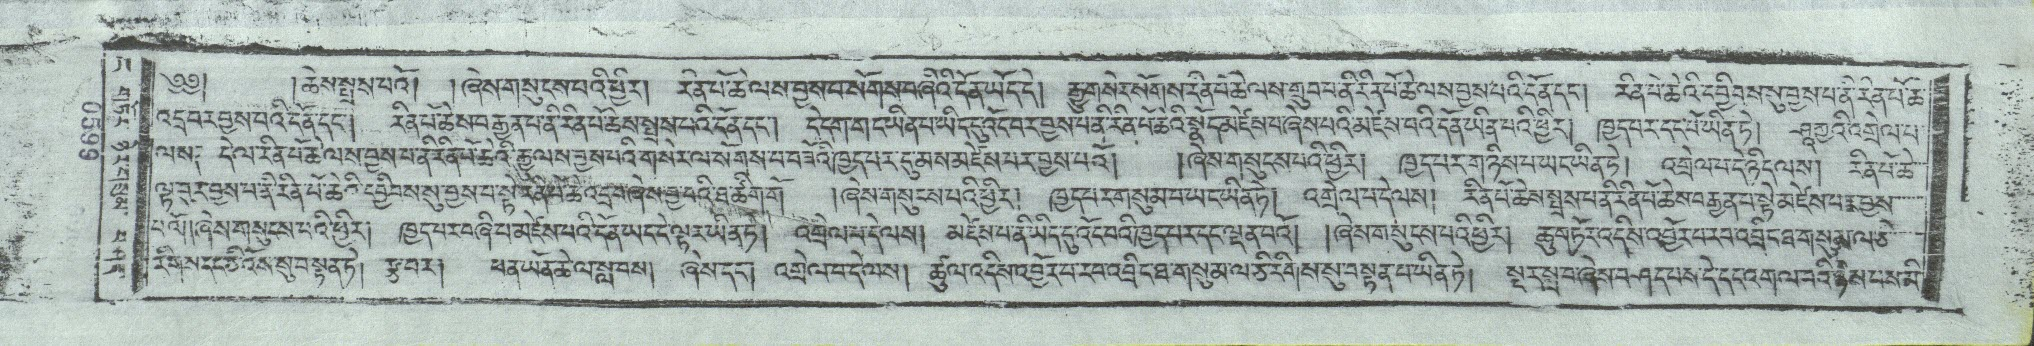༄༅། །ཆེས་སྤྲས་པའོ། །ཞེས་གསུངས་བའི་ཕྱིར། རིན་པོ་ཆེ་ལས་བྱས་པ་སོགས་བཞིའི་དོན་ཡོད་དེ། རྒྱུ་གསེར་སོགས་རིན་པོ་ཆེ་ལས་གྲུབ་པ་ནི་རིན་པོ་ཆེ་ལས་བྱས་པའི་དོན་དང་། རིན་པོ་ཆེའི་དབྱིབས་སུ་བྱས་པ་ནི་རིན་པོ་ཆེ་
འདྲ་བར་བྱས་པའི་དོན་དང་། རིན་པོ་ཆེས་བརྒྱན་པ་ནི་རིན་པོ་ཆེས་སྤྲས་པའི་དོན་དང་། དེ་དག་གང་ཡིན་པ་ཡིད་དུ་འོང་བར་བྱས་པ་ནི་རིན་པོ་ཆེའི་སྣོད་མཛེས་པ་ཞེས་པའི་མཛེས་བའི་དོན་ཡིན་པའི་ཕྱིར། ཁྱད་པར་དད་པོ་ཡིན་ཏེ། ཤཱཀྱའི་འགྲེལ་པ་
ལས༑ དེ་ལ་རིན་པོ་ཆེ་ལས་བྱས་པ་ནི་རིན་པོ་ཆེའི་རྒྱུ་ལས་བྱས་པའི་གསེར་ལ་སོགས་པ་བཟོའི་ཁྱད་པར་དུ་མས་མཛེས་པར་བྱས་པའོ། །ཞེས་གསུངས་པའི་ཕྱིར། ཁྱད་པར་གཉིས་པ་ཡང་ཡིན་ཏེ། འགྲེལ་པ་དེ་ཉིད་ལས། རིན་པོ་ཆེ་
ལྟ་བུར་བྱས་པ་ནི་རིན་པོ་ཆེའི་དབྱིབས་སུ་བྱས་པ་སྟེ་རིན་པོ་ཆེ་འདྲ་བ་ཞེས་བྱ་བའི་ཐ་ཚིག་གོ །ཞེས་གསུངས་པའི་ཕྱིར། ཁྱད་པར་གསུམ་པ་ཡང་ཡིན་ཏེ། འགྲེལ་པ་དེ་ལས། རིན་པོ་ཆེས་སྤྲས་པ་ནི་རིན་པོ་ཆེས་བརྒྱན་པ་སྟེ་མཛེས་པར་བྱས་
པའོ། །ཞེས་གསུངས་པའི་ཕྱིར། ཁྱད་པར་བཞི་མཛེས་པའི་དོན་ཡང་དེ་ལྟར་ཡིན་ཏེ། འགྲེལ་པ་དེ་ལས། མཛེས་པ་ནི་ཡིད་དུ་འོང་བའི་ཁྱད་པར་དང་ལྡན་བའོ། །ཞེས་གསུངས་པའི་ཕྱིར། ཆུ་གཏོར་འདིས་འབྱོར་བ་རབ་འབྲིང་ཐ་གསུམ་ལ་ཅེ་
རིགས་དང་ཅི་འོས་སུ་བསྟན་ཏེ། རྩ་བར། ཕན་ཡོན་ཆེ་ལ་སླ་བས། འགྲེལ་བ་དེ་ལས། ཚུལ་འདིས་འབྱོར་པ་རབ་འབྲིང་ཐ་གསུམ་ལ་ཅི་རིགས་སུ་བསྟན་པ་ཡིན་ཏེ། སྔར་སླ་བ་ཞེས་བཤད་པས་དེ་དང་འགལ་བའི་ཉེས་པས་མི་